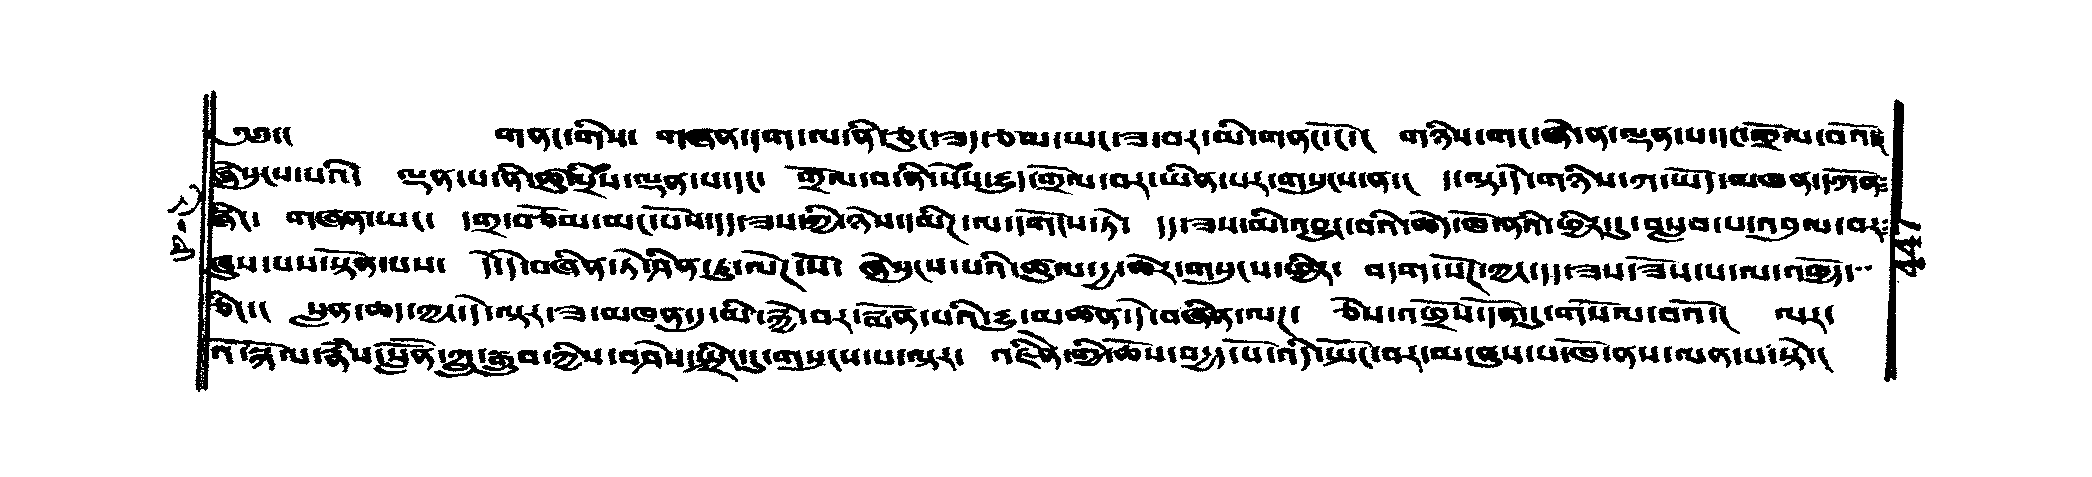གནང་གིས། གཞན་དག་ལ་ནི་ཅུང་ཟད་ཙམ་ཡང་ཟ་བར་མི་གནང་ངོ་། གཉིས་གང་ཞེ་ན་ལྡན་པ་དང་གྲོལ་བའོ། 
ཞེས་གསུངས་པའི། ལྡན་པ་ནི་ཚུལ་ཁྲིམས་ལྡན་པ་དང་། གྲོལ་བ་ནི་སེམས་རྒྱུད་གྲོལ་བར་ཡིན་པར་གསུངས་ན། ད་ལྟ་དེ་གཉིས་ཀ་ཡོད་མཁན་དཀོན་
ཞིང་། གཞན་ཡང་། དགྲ་བཅོམ་མང་པོས་དད་ཟས་ཀྱི་ཉེས་དམིགས་ལ་དགོངས་ཏེ། དད་ཟས་མི་འབྱུང་བའི་ཆེད་ཁོ་ནའི་ཕྱིར་དུ་བསླབ་པ་འབུལ་བར་
ཞུས་པས་སྟོན་པས། དེ་དེ་བཞིན་ཏེ་ཤིན་ཏུ་ལེགས་སོ། ཞེས་གསུངས་པའི་ཚུལ་རྒྱ་ཆེར་གསུངས་ཕྱིར། བདག་སོགས་ཀྱང་དད་ཟས་ཟོས་པ་ལ་འགྱོད་
ཅིང་། སླན་ཆད་ཀྱང་དེ་ལྟར་ཟ་མཁན་དུ་མི་སྐྱེ་བར་སྨོན་པའི་རྒྱུ་མཚན་དེ་བཞིན་ལགས། ཅེས་འཕྲོས་དོན་དུ་གསོལ་བའོ། ལར་
འོ་སྐོལ་རྣམས་སློབ་དཔོན་ཀླུ་སྒྲུབ་ཀྱིས་བཤེས་སྤྲིང་དུ་གསུངས་པ་ལྟར། འཇིག་རྟེན་གྱི་ཆོས་བརྒྱད་པོ་འདི་སྤོང་བར་མ་ནུས་པ་ཁོ་ནས་ལན་པ་སྟེ།